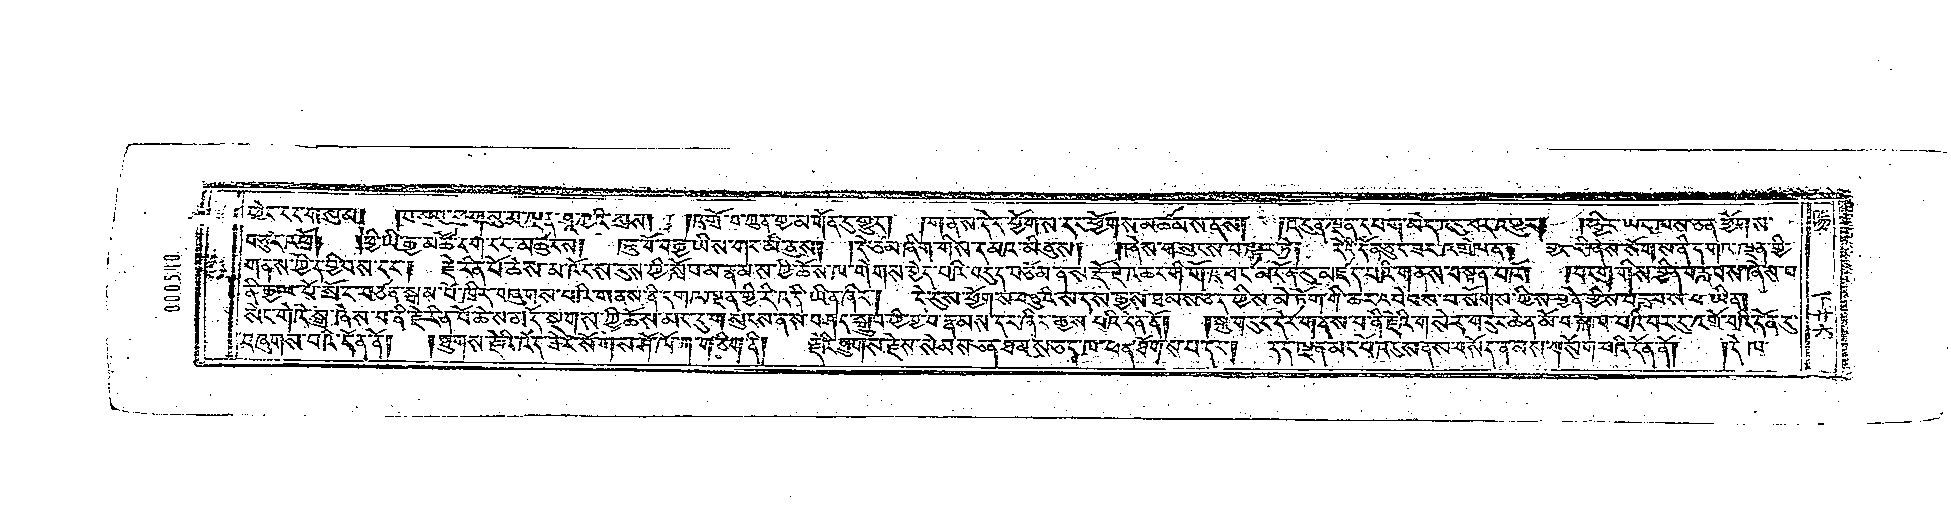ཕྱེད་དང་གསུམ། །བསྲང་ཕྲ་གསུམ་ལྡན་ཤཱཀྱའི་སྲས། །འགྲོ་བ་ཀུན་གྱི་མགོན་དུ་གྱུར། །གནས་དེར་ཕྱོགས་དང་ཕྱོགས་མཚམས་ནས། །འདུན་ལྡན་དཔག་མེད་འདུ་བར་འགྱུར། །སྤྱིར་ཡང་ལས་ཅན་ཕྱོགས་
བཅུར་འཕྲོ། །ཕྱི་ཡི་རྒྱ་མཚོ་དག་དང་མཚུངས། །ཆུ་བོ་བརྒྱ་ཡིས་གང་མི་ནུས། །དེ་ཙམ་ཞིག་གིས་དམའ་མི་ནུས། །ཞེས་གསུངས་བ་ལྟར་ཏེ། དེའི་དོན་ཅུང་ཟད་འགྲེལ་ན། བྱང་རི་ཞེས་སོགས་ནི་དགའ་ལྡན་གྱི་
གནས་ཀྱི་དབྱིབས་དང་། རྗེ་རིན་པོ་ཆེས་མ་འོངས་དུས་ཀྱི་སློབ་མ་རྣམས་ཀྱི་ཆོས་ལ་གེགས་བྱེད་པའི་བདུད་བཅོམ་ནས་རྡོ་རྗེ་འཆང་གི་གོ་འཕང་མངོན་དུ་མཛད་པའི་གནས་བསྟན་པའོ། །བདག་གིས་བྱིན་བརླབས་ཞེས་པ་
ནི་རྒྱལ་པོ་སྲོང་བཙན་སྒམ་པོ་ཁྲིར་བཞུགས་པའི་གནས་ནི་དགའ་ལྡན་གྱི་རི་འདི་ཡིན་ཞིང་། དེ་དུས་ཕྱོགས་བཅུའི་སངས་རྒྱས་ཐམས་ཅད་ཀྱིས་མེ་ཏོག་གི་ཆར་འབེབས་པ་སོགས་ཀྱིས་བྱིན་གྱིས་བརླབས་པ་ཡིན།
སེང་གེའི་སྒྲ་ཞེས་པ་ནི་རྗེ་རིན་པོ་ཆེ་ས་མདོ་སྔགས་ཀྱི་ཆོས་མང་དུ་གསུངས་ནས་བཤད་སྒྲུབ་ཀྱི་བྱ་བ་རྣམས་དང་ཞིང་རྒྱས་པའི་དོན་ནོ། །སྐུ་གདུང་དེར་གནས་པ་ནི་རྗེའི་གསེར་གདུང་ཆེན་མོ་བསྐལ་པའི་བར་དུ་འགོ་བའི་དོན་དུ་
བཞུགས་པའི་དོན་ནོ། །ཐུགས་རྗེའི་འོད་ཟེར་སོགས་ཤོ་ལོ་ཀ་གཅིག་ནི། རྗེའི་ཐུགས་རྗེས་སེམས་ཅན་ཐམས་ཅད་ལས་ཕན་ཐོགས་པ་དང་། དད་ལྡན་མང་པོ་འདུས་ནས་བསོད་ནམས་གསོག་པའི་དོན་ནོ། །དེ་ལ་